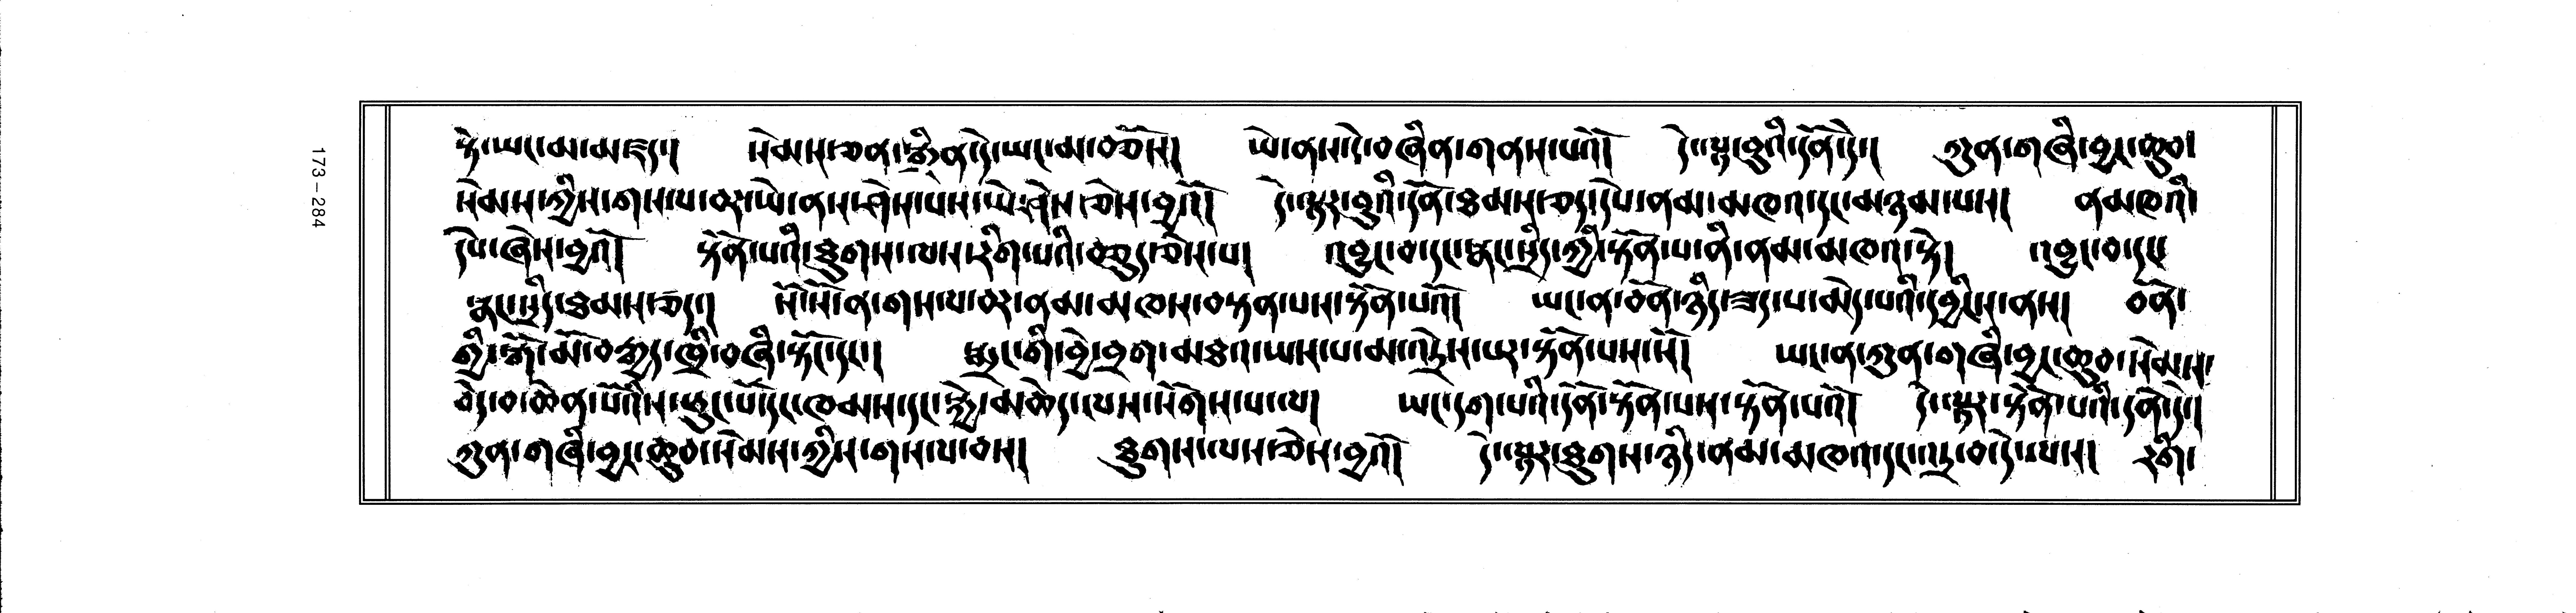སྟེ་ཡང་མ་མཛད། སེམས་ཅན་སྒྲིན་དེ་ཡང་མ་བཅོས། ཡེ་ནས་དེ་བཞིན་གནས་པའོ། །དེ་ལྟ་བུའི་དོན་དེ། ཀུན་གཞི་བྱང་ཆུབ་
སེམས་ཀྱིས་གསལ་བར་ཡེ་ནས་ཤེས་པས་ཡེ་ཤེས་ཅེས་བྱའོ། །དེ་ལྟ་བུའི་དོན་ཐམས་ཅད་དཔེ་ནམ་མཁའ་དང་མཉམ་པས། ནམ་མཁའི་
དཔེ་ཞེས་བྱའོ། །སྟོན་པའི་ཐུགས་ལས་རིག་པའི་བཅུད་ཅེས་པ། འབྱུང་བ་དང་སྣང་སྲིད་ཀྱི་སྟོན་པ་ནི་ནམ་མཁའ་སྟེ། འབྱུང་བ་དང་
སྲིད་ཐམས་ཅད། སོ་སོ་ན་གསལ་བར་ནམ་མཁས་བསྟན་པས་སྟོན་པའོ། །ཡང་ན་བོན་ཉིད་ཟད་པ་མེད་པའི་དབྱིངས་ནས། བོན་
གྱི་སྒོ་མོ་བརྒྱད་ཁྲི་བཞི་སྟོང་དང་། སྨྲང་གི་བྱེ་བྲག་མཐའ་ཡས་པ་མ་འདྲེས་པར་སྟོན་པས་སོ། །ཡང་ན་ཀུན་གཞི་བྱང་ཆུབ་སེམས་
བདེ་བ་ཆེན་པོས་ཕུང་པོ་ཁམས་དང་སྐྱེ་མཆེད་ལ་སོགས་པ་ལ། ཡང་དག་པའི་དོན་སྟོན་པས་སྟོན་པའོ། །དེ་ལྟར་སྟོན་པའི་དོན་དེ་
ཀུན་གཞི་བྱང་ཆུབ་སེམས་ཀྱིས་གསལ་བས། ཐུགས་ལས་ཅེས་བྱའོ། །དེ་ལྟར་ཐུགས་ཉིད་ནམ་མཁའ་དང་འདྲ་བ་དེ་ལས། རིག་